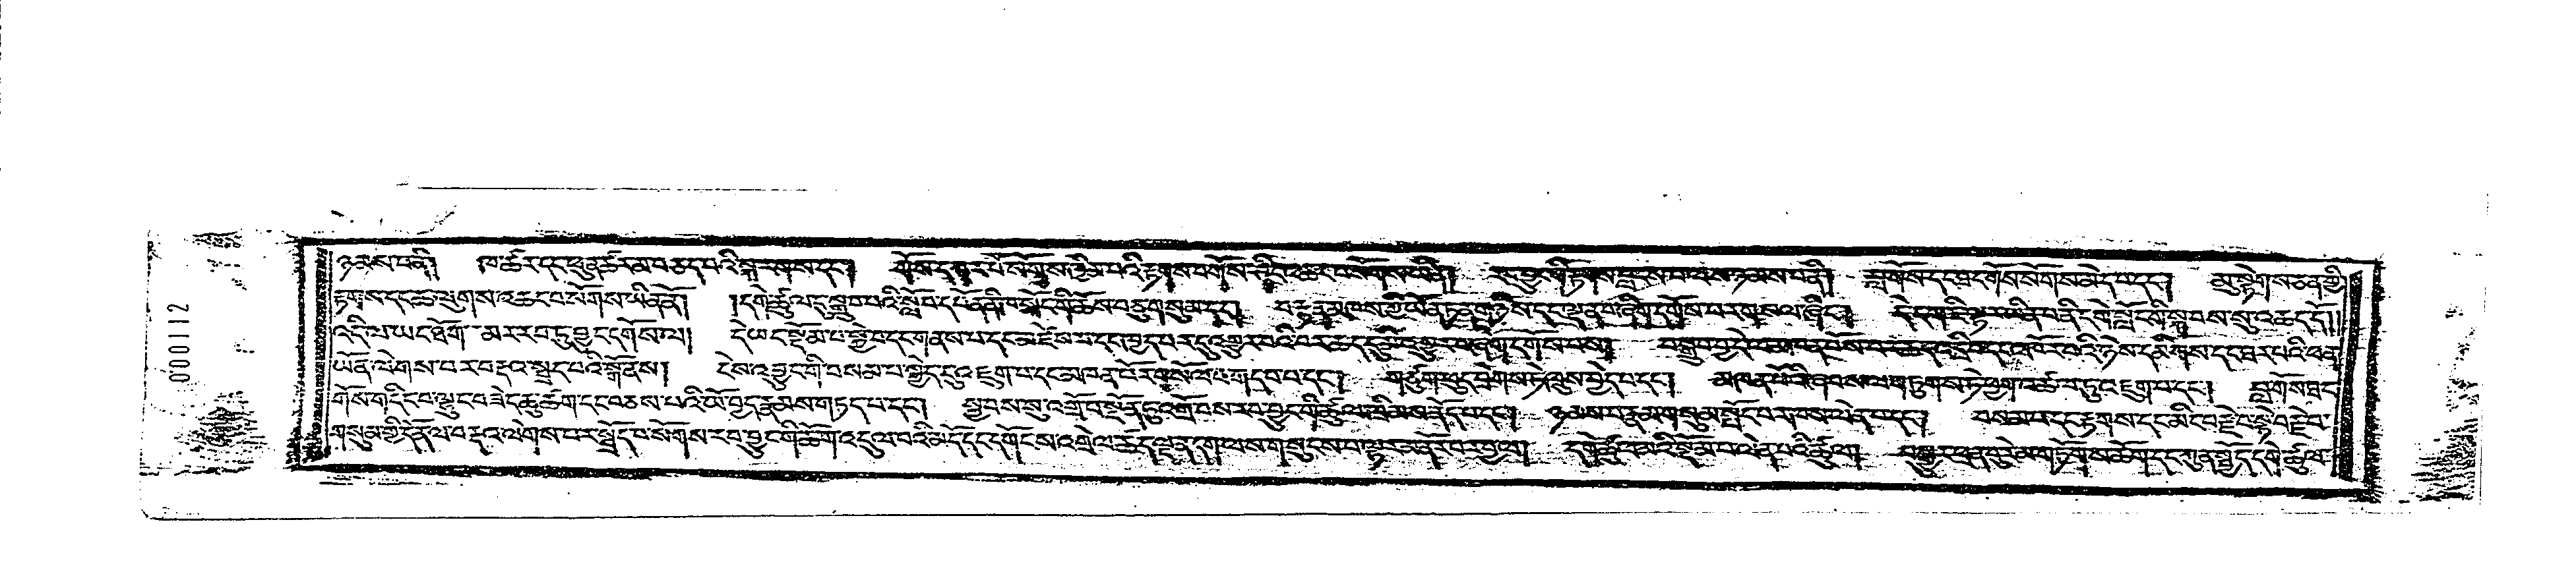ཉམས་པ་ནི། ཁ་ཚར་དང་ཕུན་ཚར་མ་བཅད་པའི་སྐ་རགས་དང་། གོས་དཀར་པོ་སོགས་ཁྱིམ་པའི་རྟགས་བགོས་ཤིང་འཆང་བ་སོགས་ཡིན། རབ་བྱུང་གི་རྟོགས་བླངས་པ་ལས་ཉམས་པ་ནི། བླ་གོས་དང་ཐང་གོས་སོགས་མེད་པ་དང་། མུ་སྟེགས་ཅན་གྱི་
རྟགས་དང་ཆ་ལུགས་འཆང་བ་སོགས་ཡིན་ནོ། །དགེ་ཚུལ་དུ་སྒྲུབ་པའི་སློབ་དཔོན་ནི་ཁ་སྐོང་གི་ཆོས་བཅུ་གསུམ་དང་། བརྟན་མཁས་ཀྱི་ཡོན་ཏན་གཉིས་དང་ལྡན་པ་ཞིག་དགོས་པར་གསལ་ཞིང་། དེ་དག་ཇི་ལྟར་ཡིན་པ་ནི་དགེ་སློང་གི་སྐབས་སུ་འཆད་དོ།།
འདི་ལ་ཡང་ཐོག་མར་རབ་ཏུ་བྱུང་དགོས་ལ། དེ་ཡང་སྡོམ་པ་སྐྱེ་བ་དང་གནས་པ་དང་མཛེས་པ་དང་ཁྱད་པར་དུ་འགྱུར་བའི་བར་ཆད་དུ་མི་འགྱུར་བ་ཞིག་དགོས་པས། བསྒྲུབ་བྱ་དེ་ལ་མཁན་པོས་བར་ཆད་འདྲི་བ་དང་འཁོར་བའི་ཉེས་དམིགས་དང་ཐར་པའི་ཕན་
ཡོན་ལེགས་པར་བརྡའ་སྤྲད་པའི་སྒོ་ནས། ངེས་འབྱུང་གི་བསམ་པ་སྐྱེད་དུ་འཇུག་པ་དང་མཁན་པོར་གསོལ་བ་གདབ་པ་དང་། གཙུག་ཕུད་བྲེགས་ཏེ་ཁྲུས་བྱེད་པ་དང་། མཁན་པོའི་ཞབས་ལ་གཏུགས་ཏེ་ཕྱག་འཚལ་ཏུ་འཇུག་པ་དང་། བླ་གོས་ཐང་
གོས་གདིང་བ་ལྷུང་བཟེད་ཆུ་ཚག་དང་བཅས་པའི་ཡོ་བྱད་རྣམས་གཏད་པ་དང་། སྐྱབས་སུ་འགྲོ་བ་སྔོན་དུ་འགྲོ་བས་རབ་བྱུང་གི་ཚུལ་ཁྲིམས་ནོད་པ་དང་། ཉམས་པ་རྣམ་གསུམ་སྤོང་བར་ཁས་ལེན་པ་དང་། བསམ་པ་དང་རྟགས་དང་མིང་བརྫེ་བ་སྟེ་བརྗེ་བ་
གསུམ་གྱི་དོན་ལ་བརྡའ་ལེགས་པར་སྤྲོད་པ་སོགས་རབ་བྱུང་གི་ཆོག་འདུལ་བའི་མདོ་དང་དགོངས་འགྲེལ་ཚད་ལྡན་དག་ལས་གསུངས་པ་ལྟར་མ་ནོར་བར་བྱ་ལ། དགེ་ཚུལ་མའི་སྡོམ་པ་ལེན་པའི་ཚུལ། བསྒྱུར་ཕྲན་བུ་རེ་མ་གཏོགས་ཆོག་དང་ཀུན་སྤྱོད་དགེ་ཚུལ་